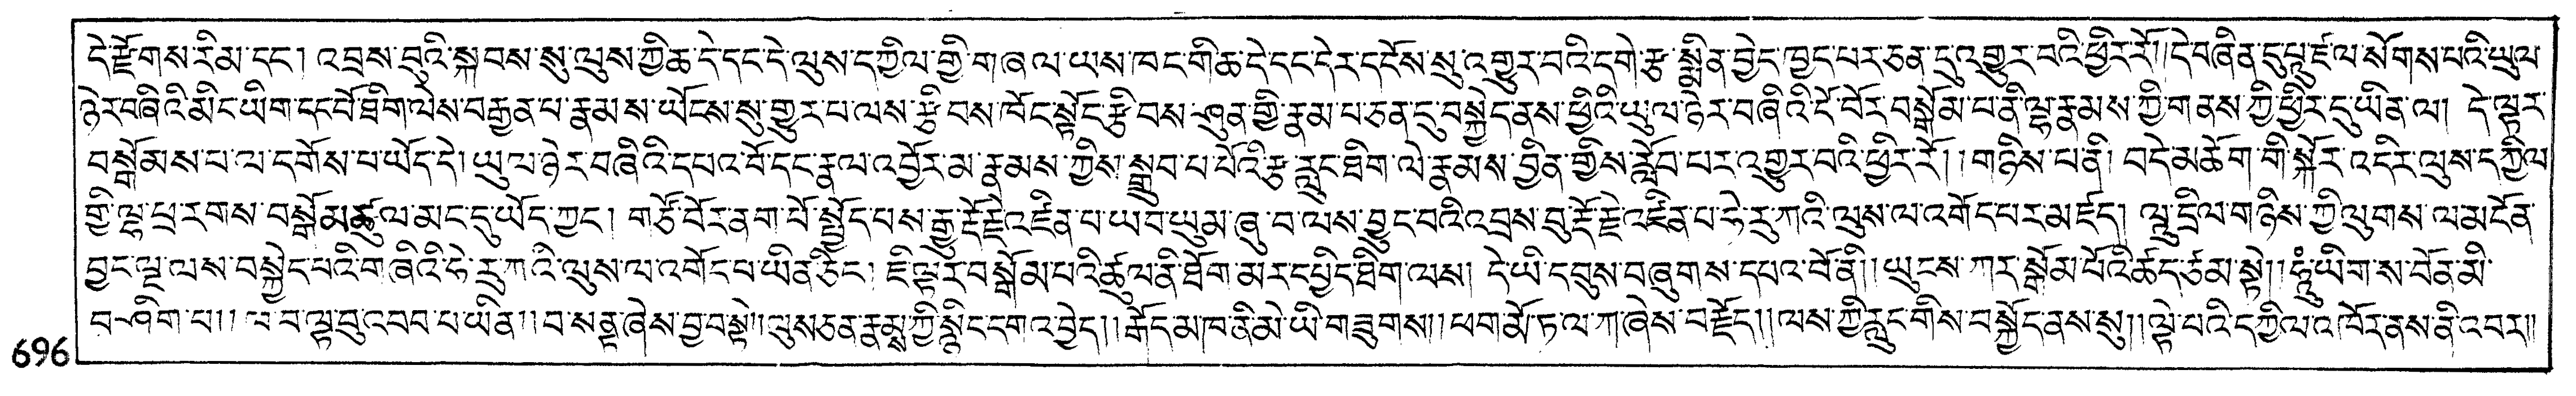དེ་རྫོགས་རིམ་དང་། འབྲས་བུའི་སྐབས་སུ་ལུས་ཀྱི་ཆ་དེ་དང་དེ་ལུས་དཀྱིལ་གྱི་གཞལ་ཡས་ཁང་གི་ཆ་དེ་དང་དེར་དངོས་སུ་འགྱུར་བའི་དགེ་རྩ་སྨིན་བྱེད་ཁྱད་པར་ཅན་དུ་འགྱུར་བའི་ཕྱིར་རོ། །དེ་བཞིན་དུ་པཱུ་ཛ་ལ་སོགས་པའི་ཡུལ་
ཉེར་བཞིའི་མིང་ཡིག་དང་པོ་ཐིག་ལེས་བརྒྱན་པ་རྣམས་ཡོངས་སུ་གྱུར་པ་ལས་རྩིབས་ཁོང་སྟོང་རྩིབས་ཤུན་གྱི་རྣམ་པ་ཅན་དུ་བསྐྱེད་ནས་ཕྱིའི་ཡུལ་ཉེར་བཞིའི་ངོ་བོར་བསྒོམ་པ་ནི་ལྷ་རྣམས་ཀྱི་གནས་ཀྱི་ཕྱིར་དུ་ཡིན་ལ། དེ་ལྟར་
བསྒོམས་པ་ལ་དགོས་པ་ཡོད་དེ། ཡུལ་ཉེར་བཞིའི་དཔའ་བོ་དང་རྣལ་འབྱོར་མ་རྣམས་ཀྱིས་སྒྲུབ་པ་པོའི་རྩ་རླུང་ཐིག་ལེ་རྣམས་བྱིན་གྱིས་རློབ་པར་འགྱུར་བའི་ཕྱིར་རོ། །གཉིས་པ་ནི། བདེ་མཆོག་གི་སྐོར་འདིར་ལུས་དཀྱིལ་
གྱི་ལྷ་ཕྲ་རགས་བསྒོམ་ཚུལ་མང་དུ་ཡོད་ཀྱང་། གཙོ་བོར་ནག་པོ་སྤྱོད་པས་རྒྱུ་རྡོ་རྗེ་འཛིན་པ་ཡབ་ཡུམ་ཞུ་བ་ལས་བྱུང་བའི་འབྲས་བུ་རྡོ་རྗེ་འཛིན་པ་ཧེ་རུ་ཀའི་ལུས་ལ་འགོད་པར་མཛད། ལཱུ་དྲིལ་གཉིས་ཀྱི་ལུགས་ལ་མངོན་
བྱང་ལྔ་ལས་བསྐྱེད་པའི་གཞིའི་ཧེ་རུ་ཀའི་ལུས་ལ་འགོད་པ་ཡིན་ཅིང་། ཇི་ལྟར་བསྒོམ་པའི་ཚུལ་ནི་ཐོག་མར་དཔྱིད་ཐིག་ལས། དེ་ཡི་དབུས་བཞུགས་དཔའ་བོ་ནི། །ཡུངས་ཀར་སྒོམ་པོའི་ཚད་ཙམ་སྟེ། །ཧཱུཾ་ཡིག་ས་བོན་མི་
བཤིག་པ། །ཁ་བ་ལྟ་བུ་འབབ་པ་ཡིན། །བ་སནྟ་ཞེས་བྱ་བ་སྟེ། །ལུས་ཅན་རྣམས་ཀྱི་སྙིང་དགའ་བྱེད། །རྒོད་མ་ཁ་ནི་མེ་ཡི་གཟུགས། །ཕག་མོ་ཏ་ལ་ཀ་ཞེས་བརྗོད། །ལས་ཀྱི་རླུང་གིས་བསྐྱོད་ནས་སུ། །ལྟེ་པའི་དཀྱིལ་འཁོར་ནས་ནི་འབར། །